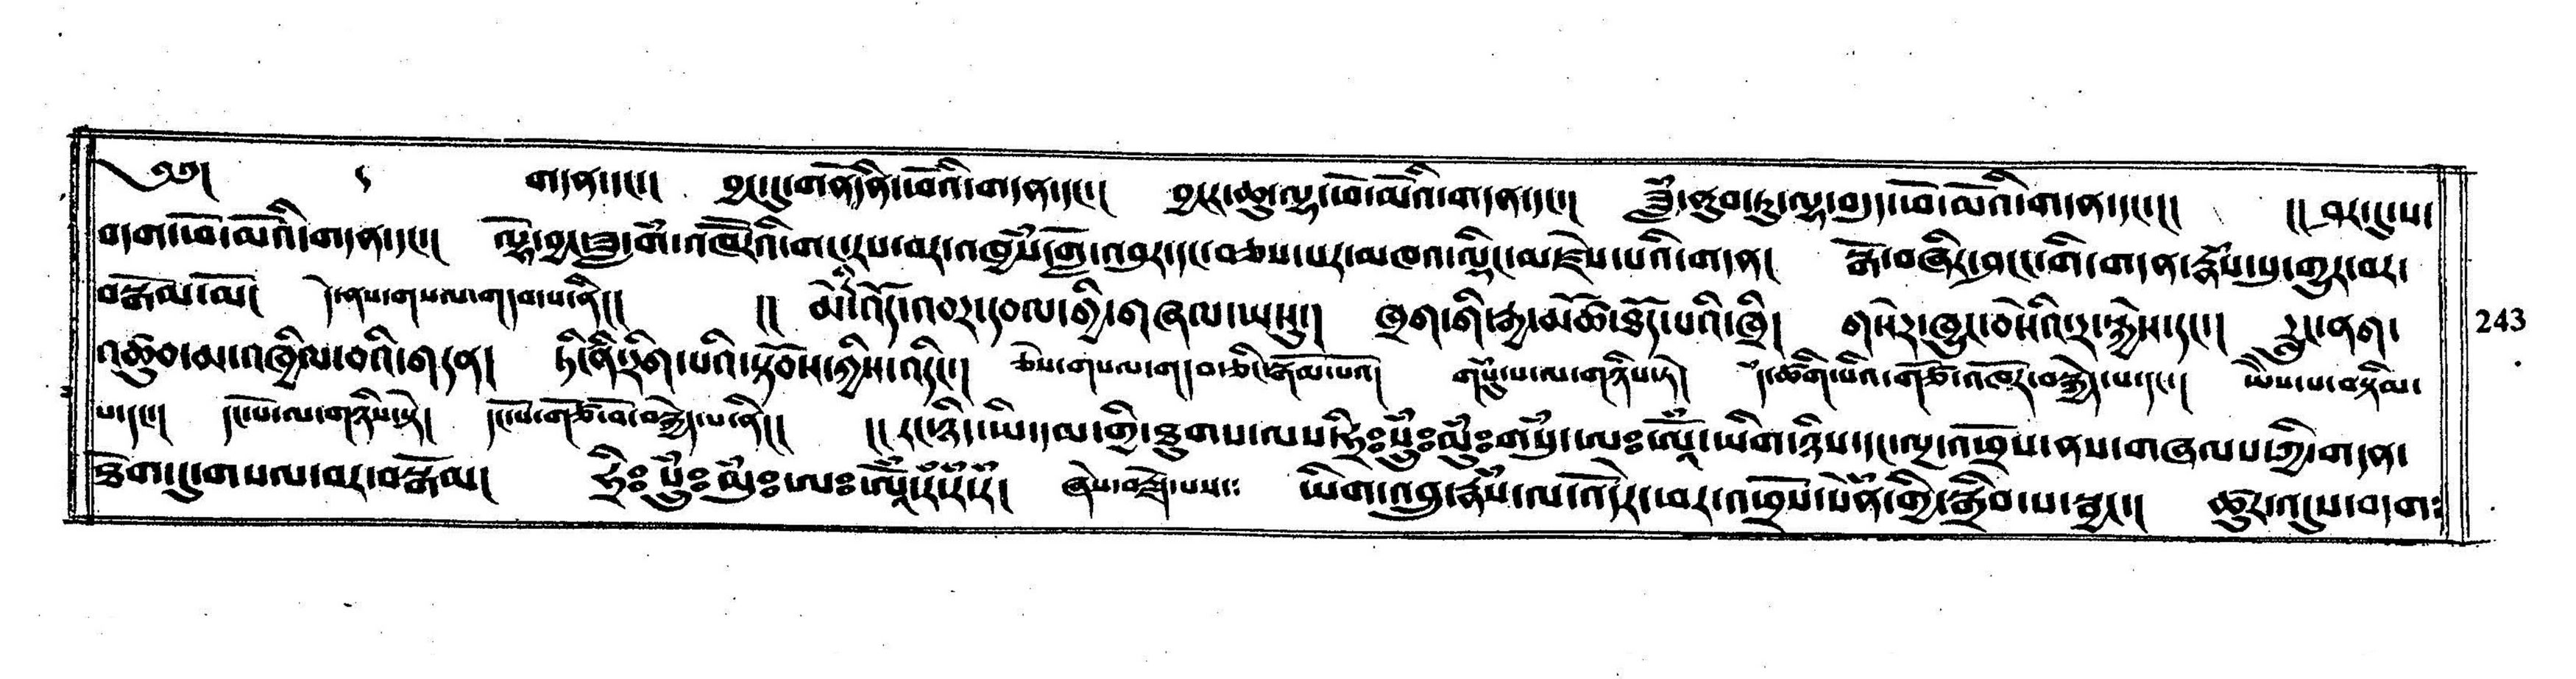གདན་དང་། བྱང་དུ་གནོད་བྱིན་ཕོ་མོའི་གདན་དང་། བྱང་ཤར་ཆུ་ལྷ་ཕོ་མོའི་གདན་དང་། ཟླ་གམ་ནུབ་ཏུ་ལྷ་བདུད་ཕོ་མོའི་གདན་དང་།། །།ཤར་དུ་ས་
བདག་ཕོ་མོའི་གདན་དང་། ལྷོ་བྱང་ཟླ་གམ་འཁོར་ལོའི་གང་རས་བར་འཁྱམས་གློ་འབུར་དང་བཅས་པར་མཁའ་ལྡིང་མཛེས་པའི་གདན། སྒོ་བཞིར་ཤང་ཤང་གི་གདན་རྣམས་སུ་གྱུར་བར་
བསྒོམ་མོ། དེ་ནས་གསལ་གདབ་པ་ནི།། །།མེ་རི་འོད་འབར་དབལ་གྱི་གཞལ་ཡས་སུ། ཁྲག་གི་རྒྱ་མཚོ་ཐོད་པའི་ཁྲི། གསེར་ཁྱུང་བསེའི་ར་སྐྱེས་དང་། རླུང་ནག་
འཚུབ་མ་འཁྱིལ་བའི་གདན། ཏིང་འཛིན་རིག་པའི་སྟོབས་ཀྱིས་འདིང་། ཅེས་གསལ་གདབ་ཅིང་སྒོམ་པའོ། །གསུམ་པ་ལ་གཉིས་ཏེ། དམ་ཚིག་པའི་གཙོ་འཁོར་བསྐྱེད་པ་དང་། ཡེ་ཤེས་པ་བསྟིམ་
པ་དང་། དང་པོ་ལ་གཉིས་སྟེ། དང་པོ་གཙོ་བོ་བསྐྱེད་པ་ནི།། །།རང་ཉིད་ཡི་དམ་གྱི་ཐུགས་ལས་ཧྲིཿསྲུཾཿམུཾཿགསུམ་ཨཿཨཱོཾ་ཡིག་ཉིས་དང་ལྔ་འཕྲོས་ནས་གཞལ་ཡས་ཀྱི་གདན་
ཐོག་དུ་གསལ་བར་བསྒོམ། ཧྲིཿསྲུཾ་མུཾཿཨཿཨཱོཾ་རཾ་རཾ་རཾ། ཞེས་བརྗོད་པས༴ ཡིག་འབྲུ་རྣམས་ལ་འོད་ཟེར་ཕར་འཕྲོས་སེམས་ཅན་གྱི་སྒྲིབ་པ་སྦྱང་། ཚུར་འདུས་བདག་